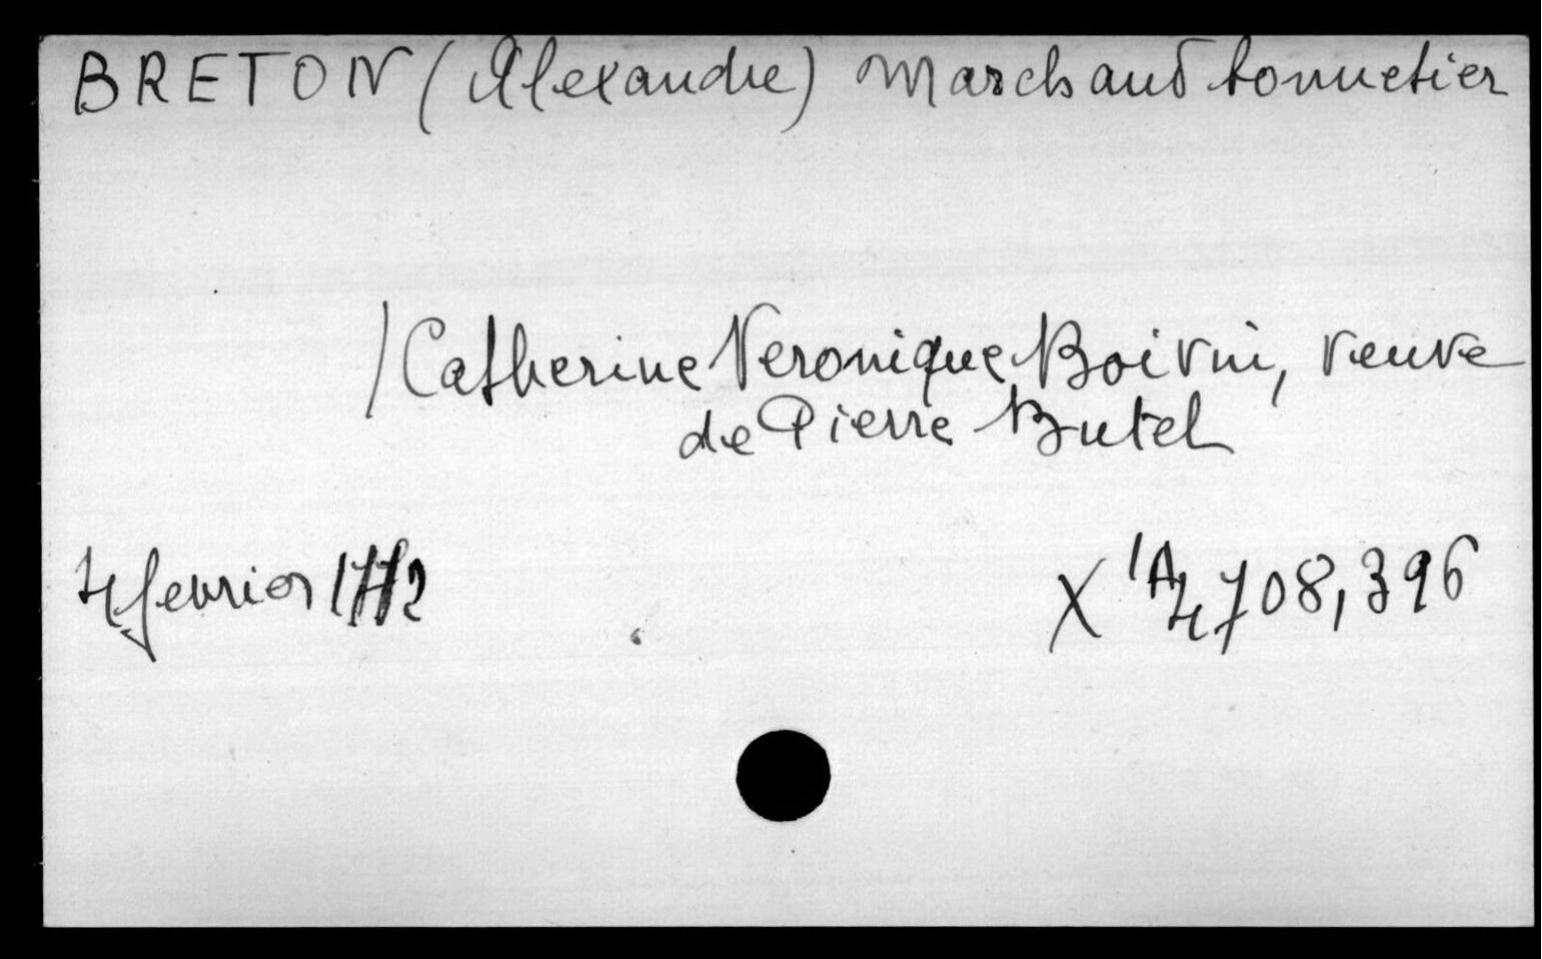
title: BRETON (Alexandre) Marchand bonnetier
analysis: Contre Catherine Véronique Boivin, veuve de Pierre Butel
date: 4 février 1772
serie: X1A
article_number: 4708
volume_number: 396
